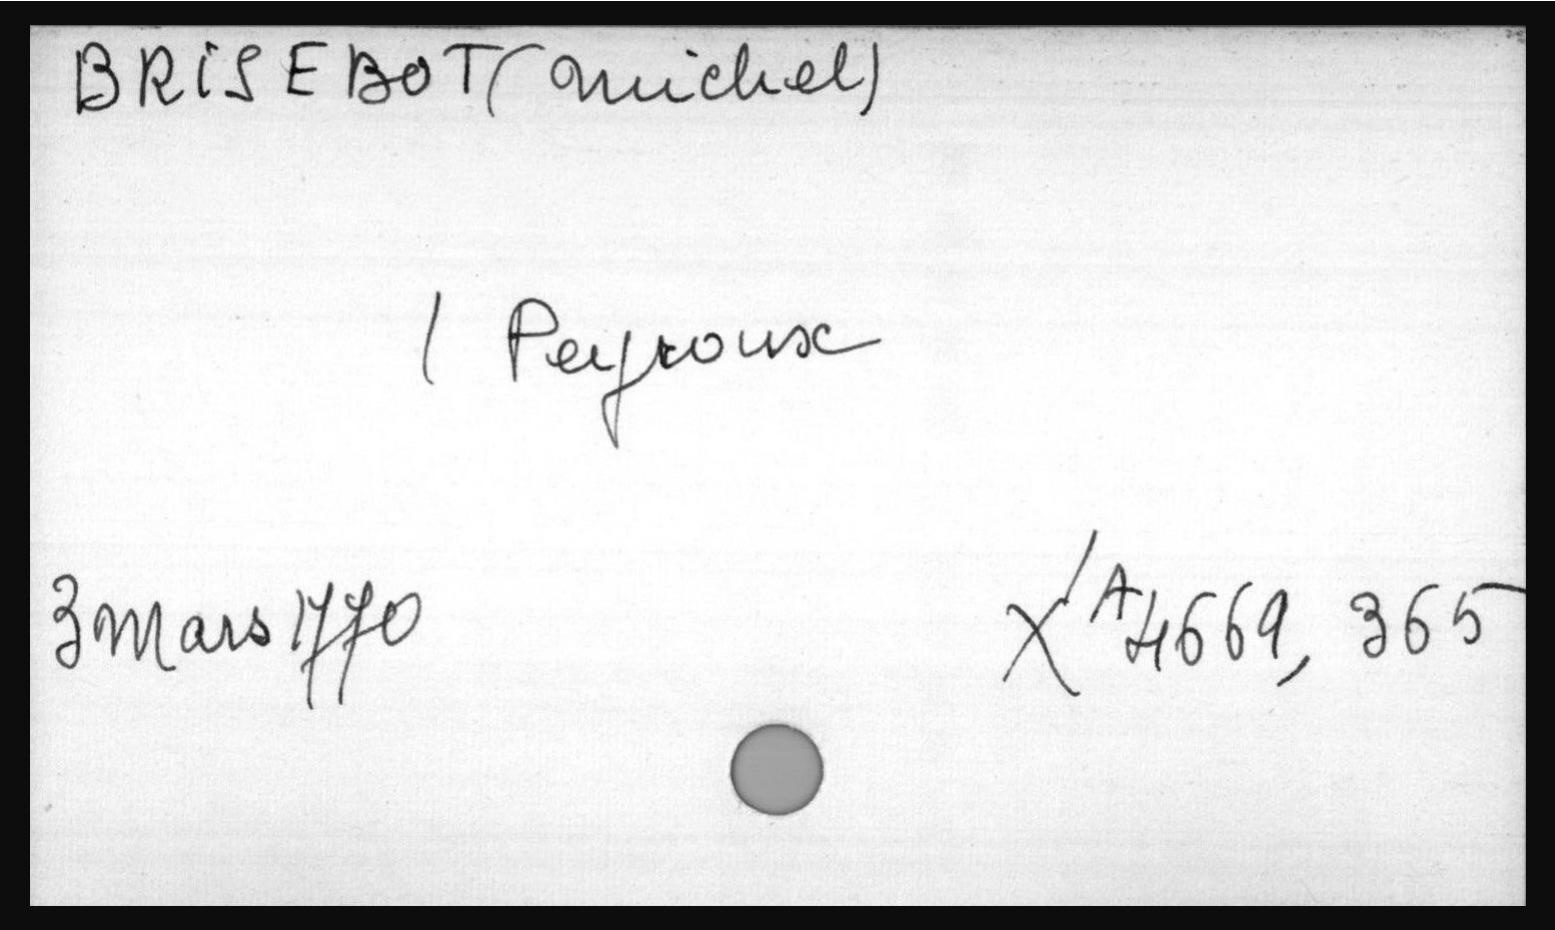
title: BRISEBOT (Michel)
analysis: Contre Peyroux
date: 3 mars 1770
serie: X1A
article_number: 4669
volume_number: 365
